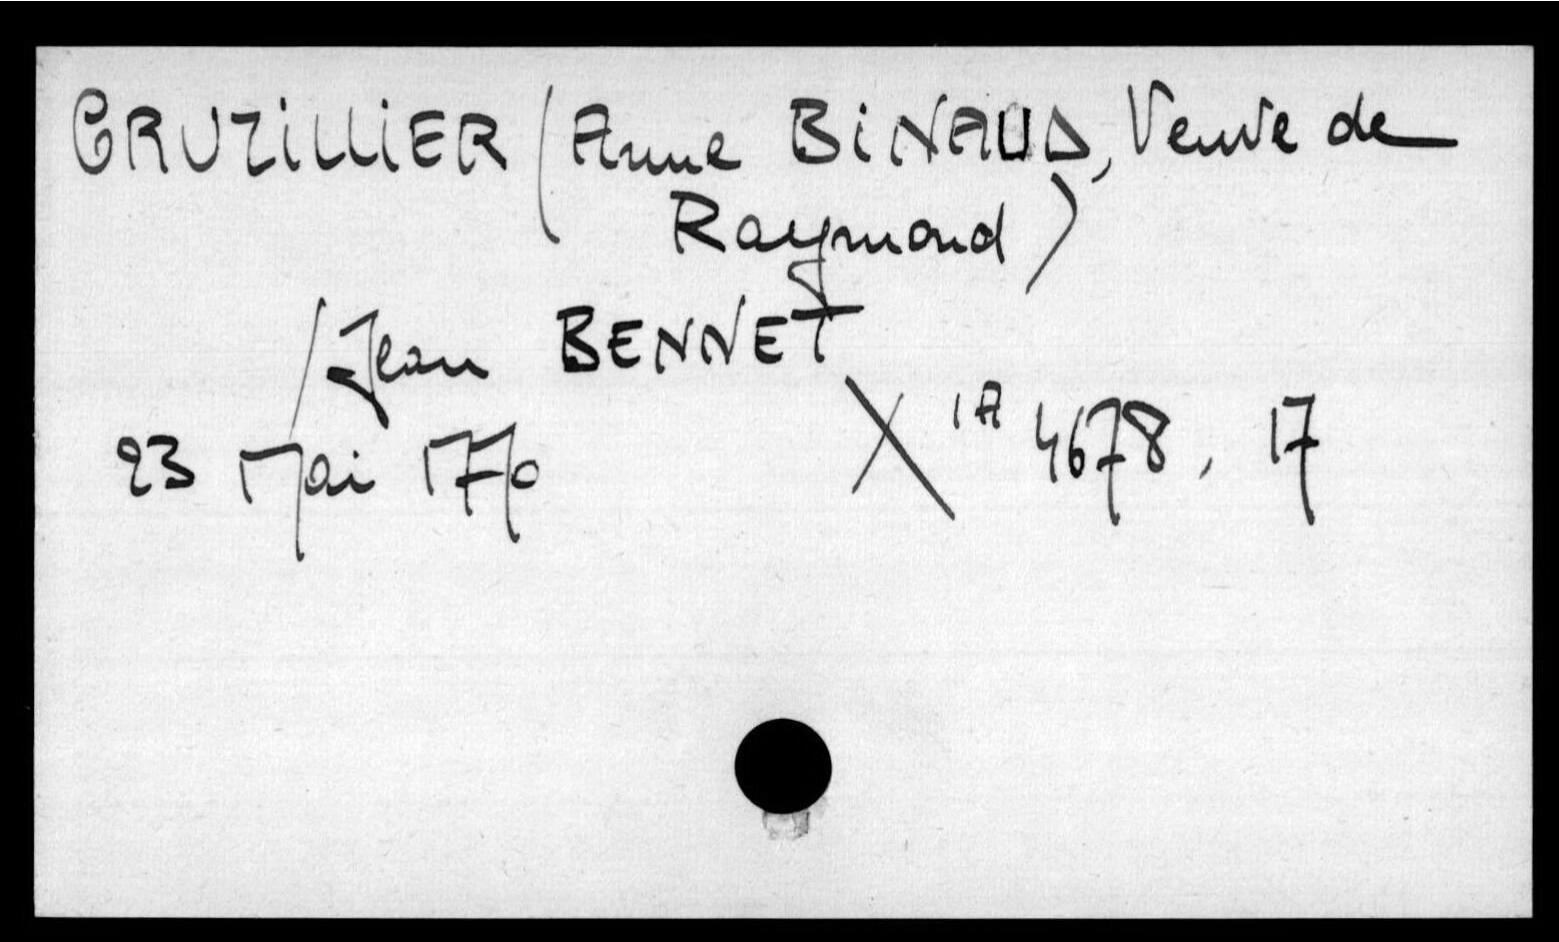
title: GRUZILLIER (Anne BINAUD, veuve de Raymond)
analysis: Contre Jean BENNET
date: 23 mai 1770
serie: X1A
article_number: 4678
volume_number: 17
